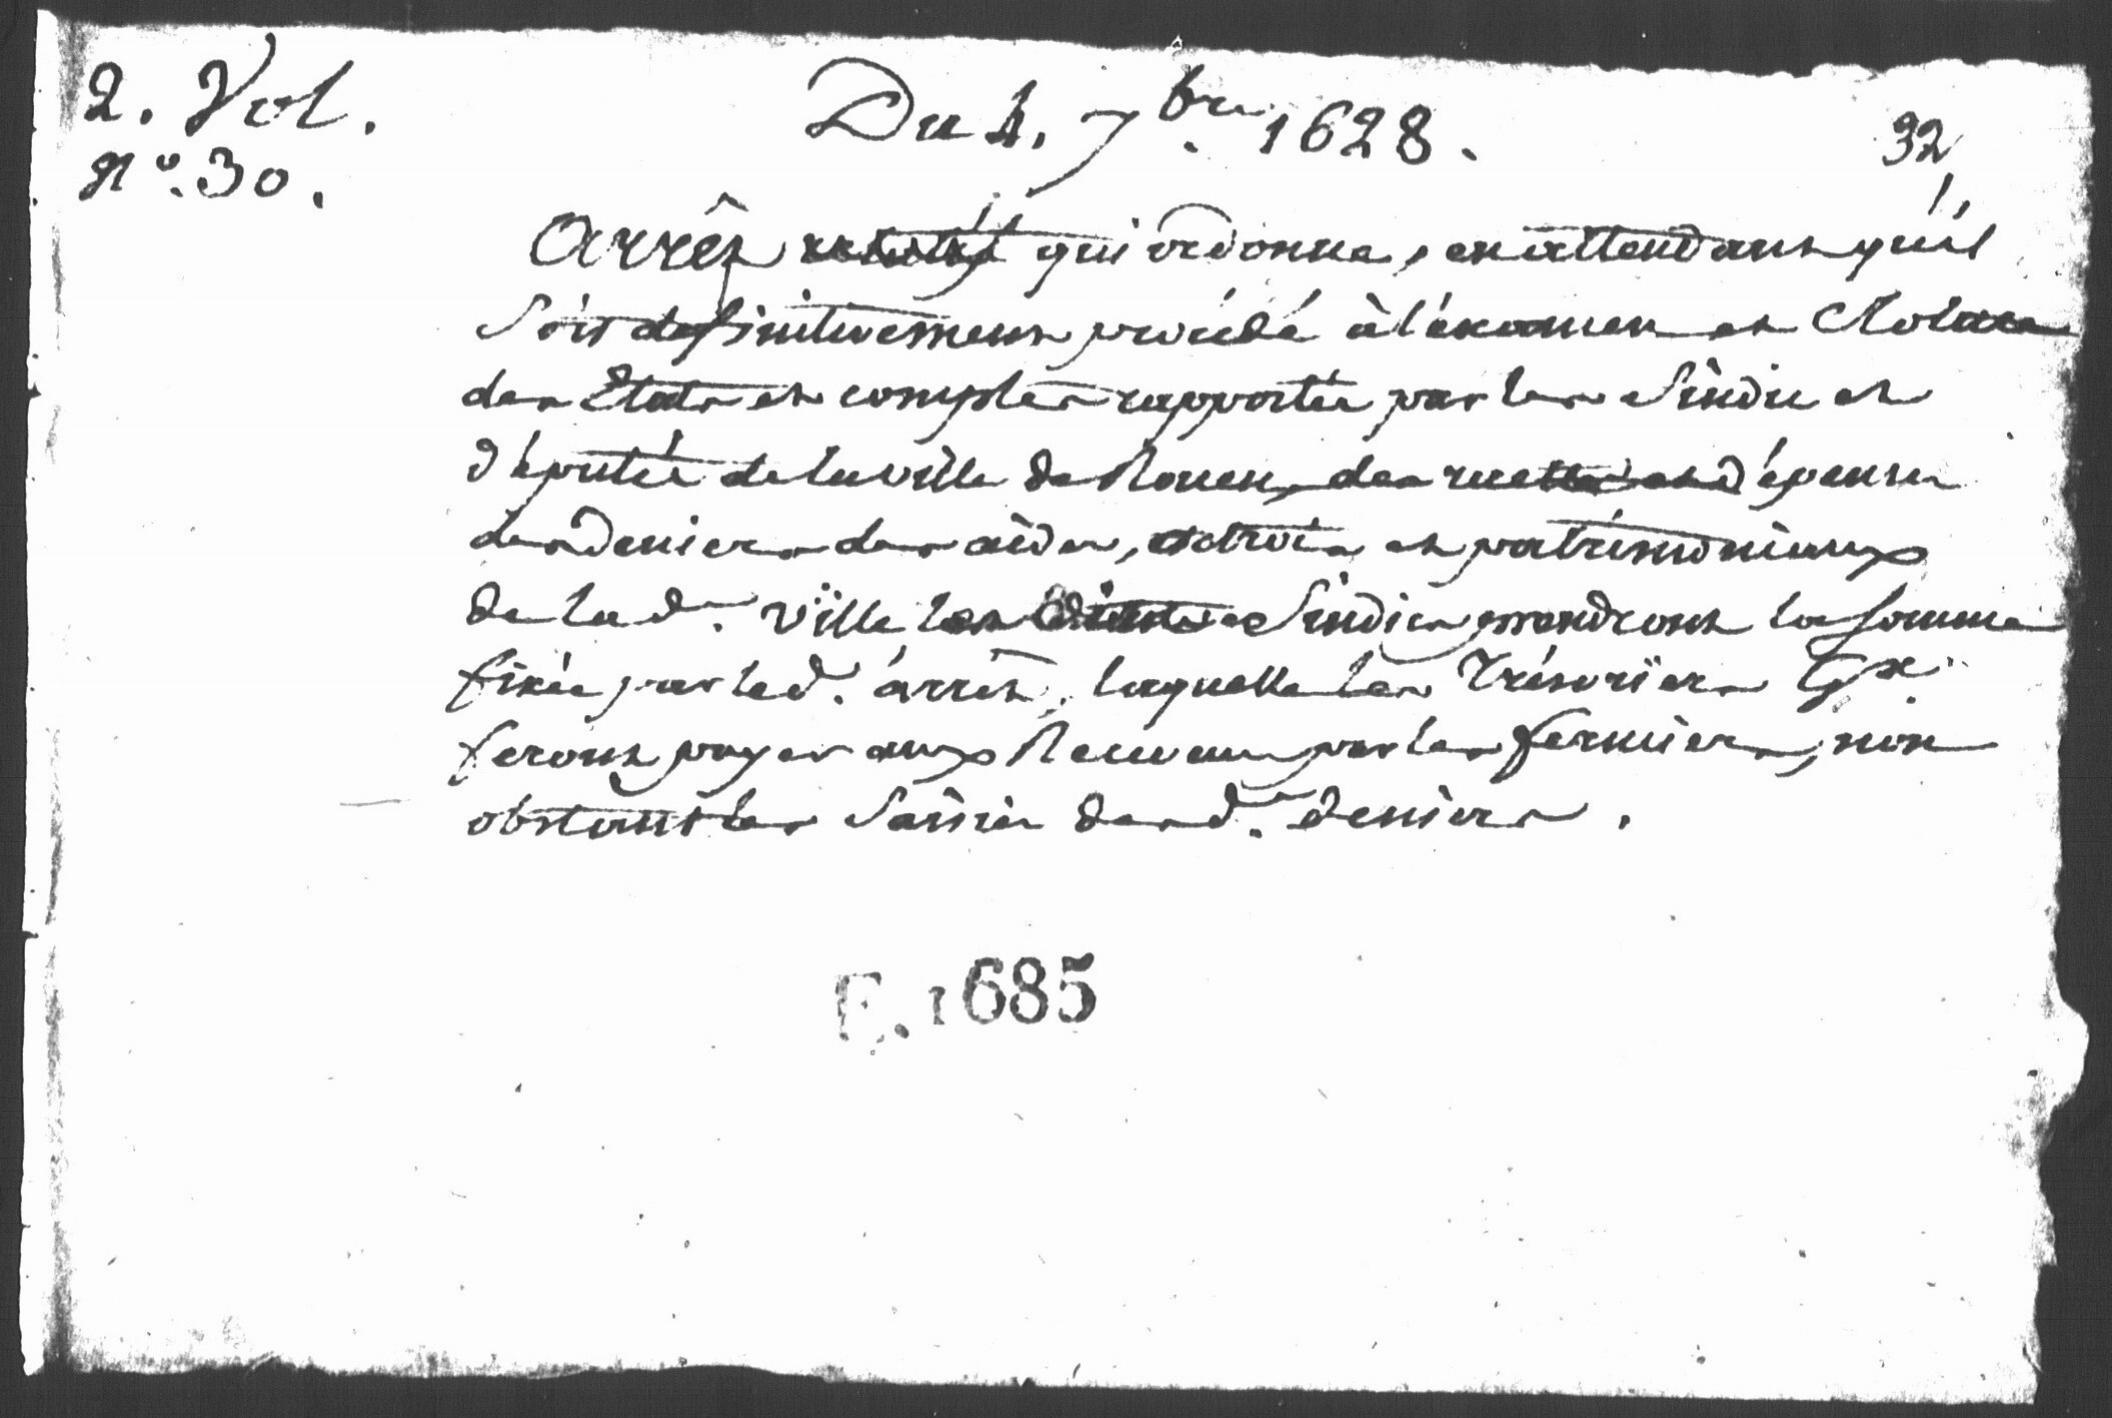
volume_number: n°30
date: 4 septembre 1628
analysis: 32
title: Arrêt [relatif, barré] qui ordonne , en attendant qu'il soit définitivement procédé à l'examen et cloture des etats et comptes rapportés par les sindic et députés de la ville de Rouen, des recettes et dépenses de deniers des aides, octrois et patrimoniaux de lad.e ville, lesdicts syndics prendront la somme fixée par led. arrêt, laquelle les Trésoriers G.x feront payer aux receveurs par les fermiers, nonobstant les saisies desd.s deniers.
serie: e
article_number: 1685
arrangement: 2. vol.
